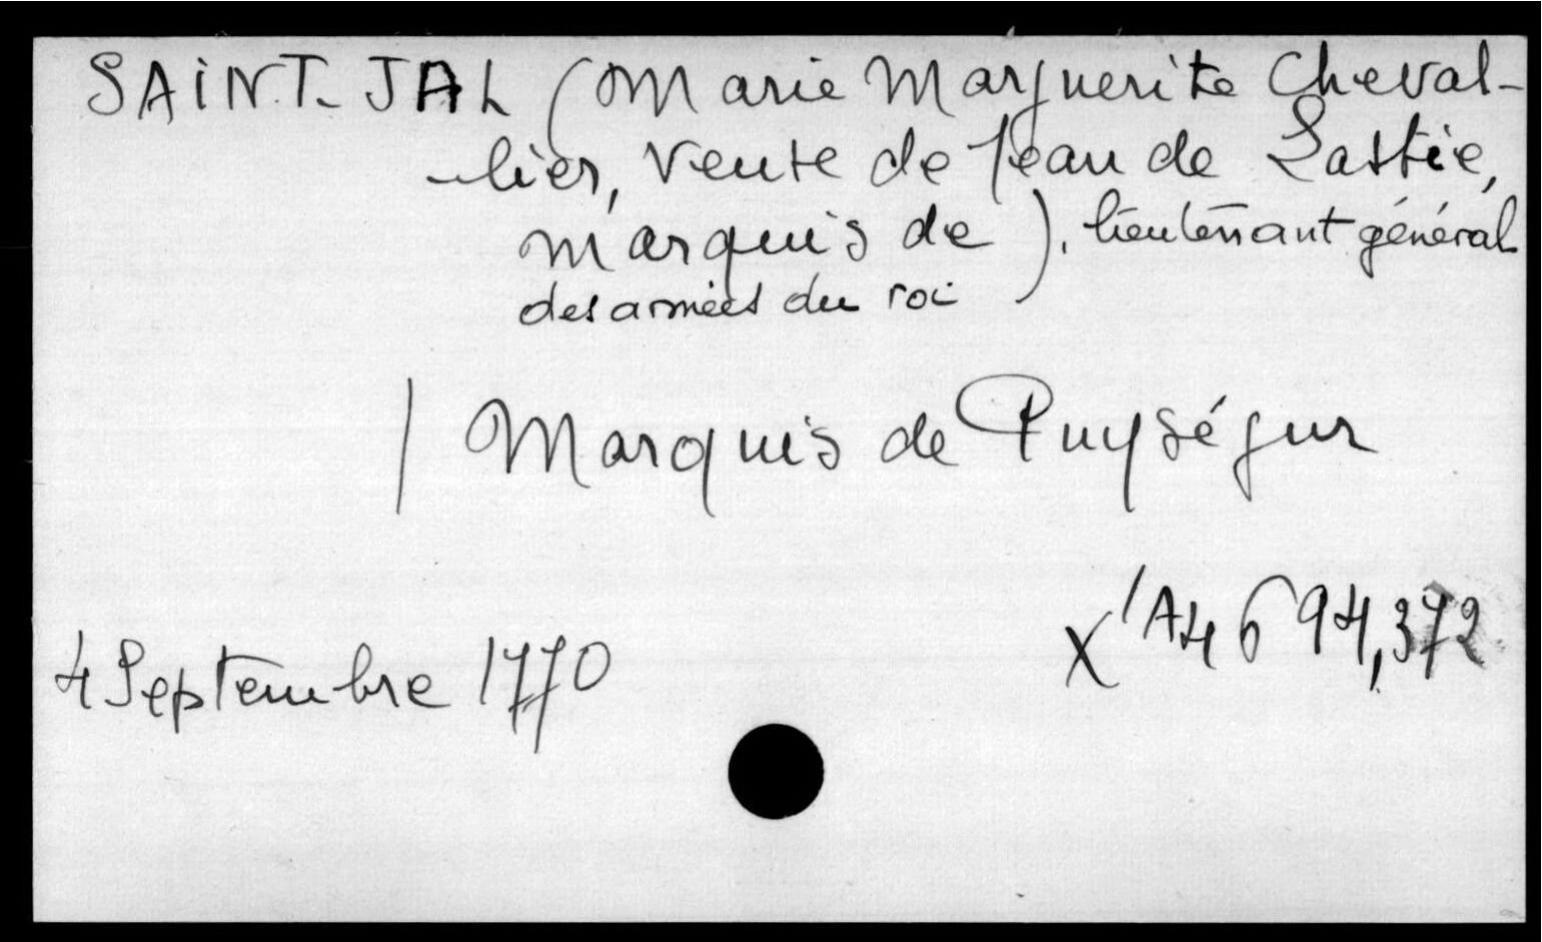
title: SAINT-JAL (Marie Marguerite Chevallier, veuve de Jean de Lastie, marquis de ), lieutenant général des armées du roi
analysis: Contre Marquis de Puységur
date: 4 septembre 1770
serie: X1A
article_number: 4694
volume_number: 372
